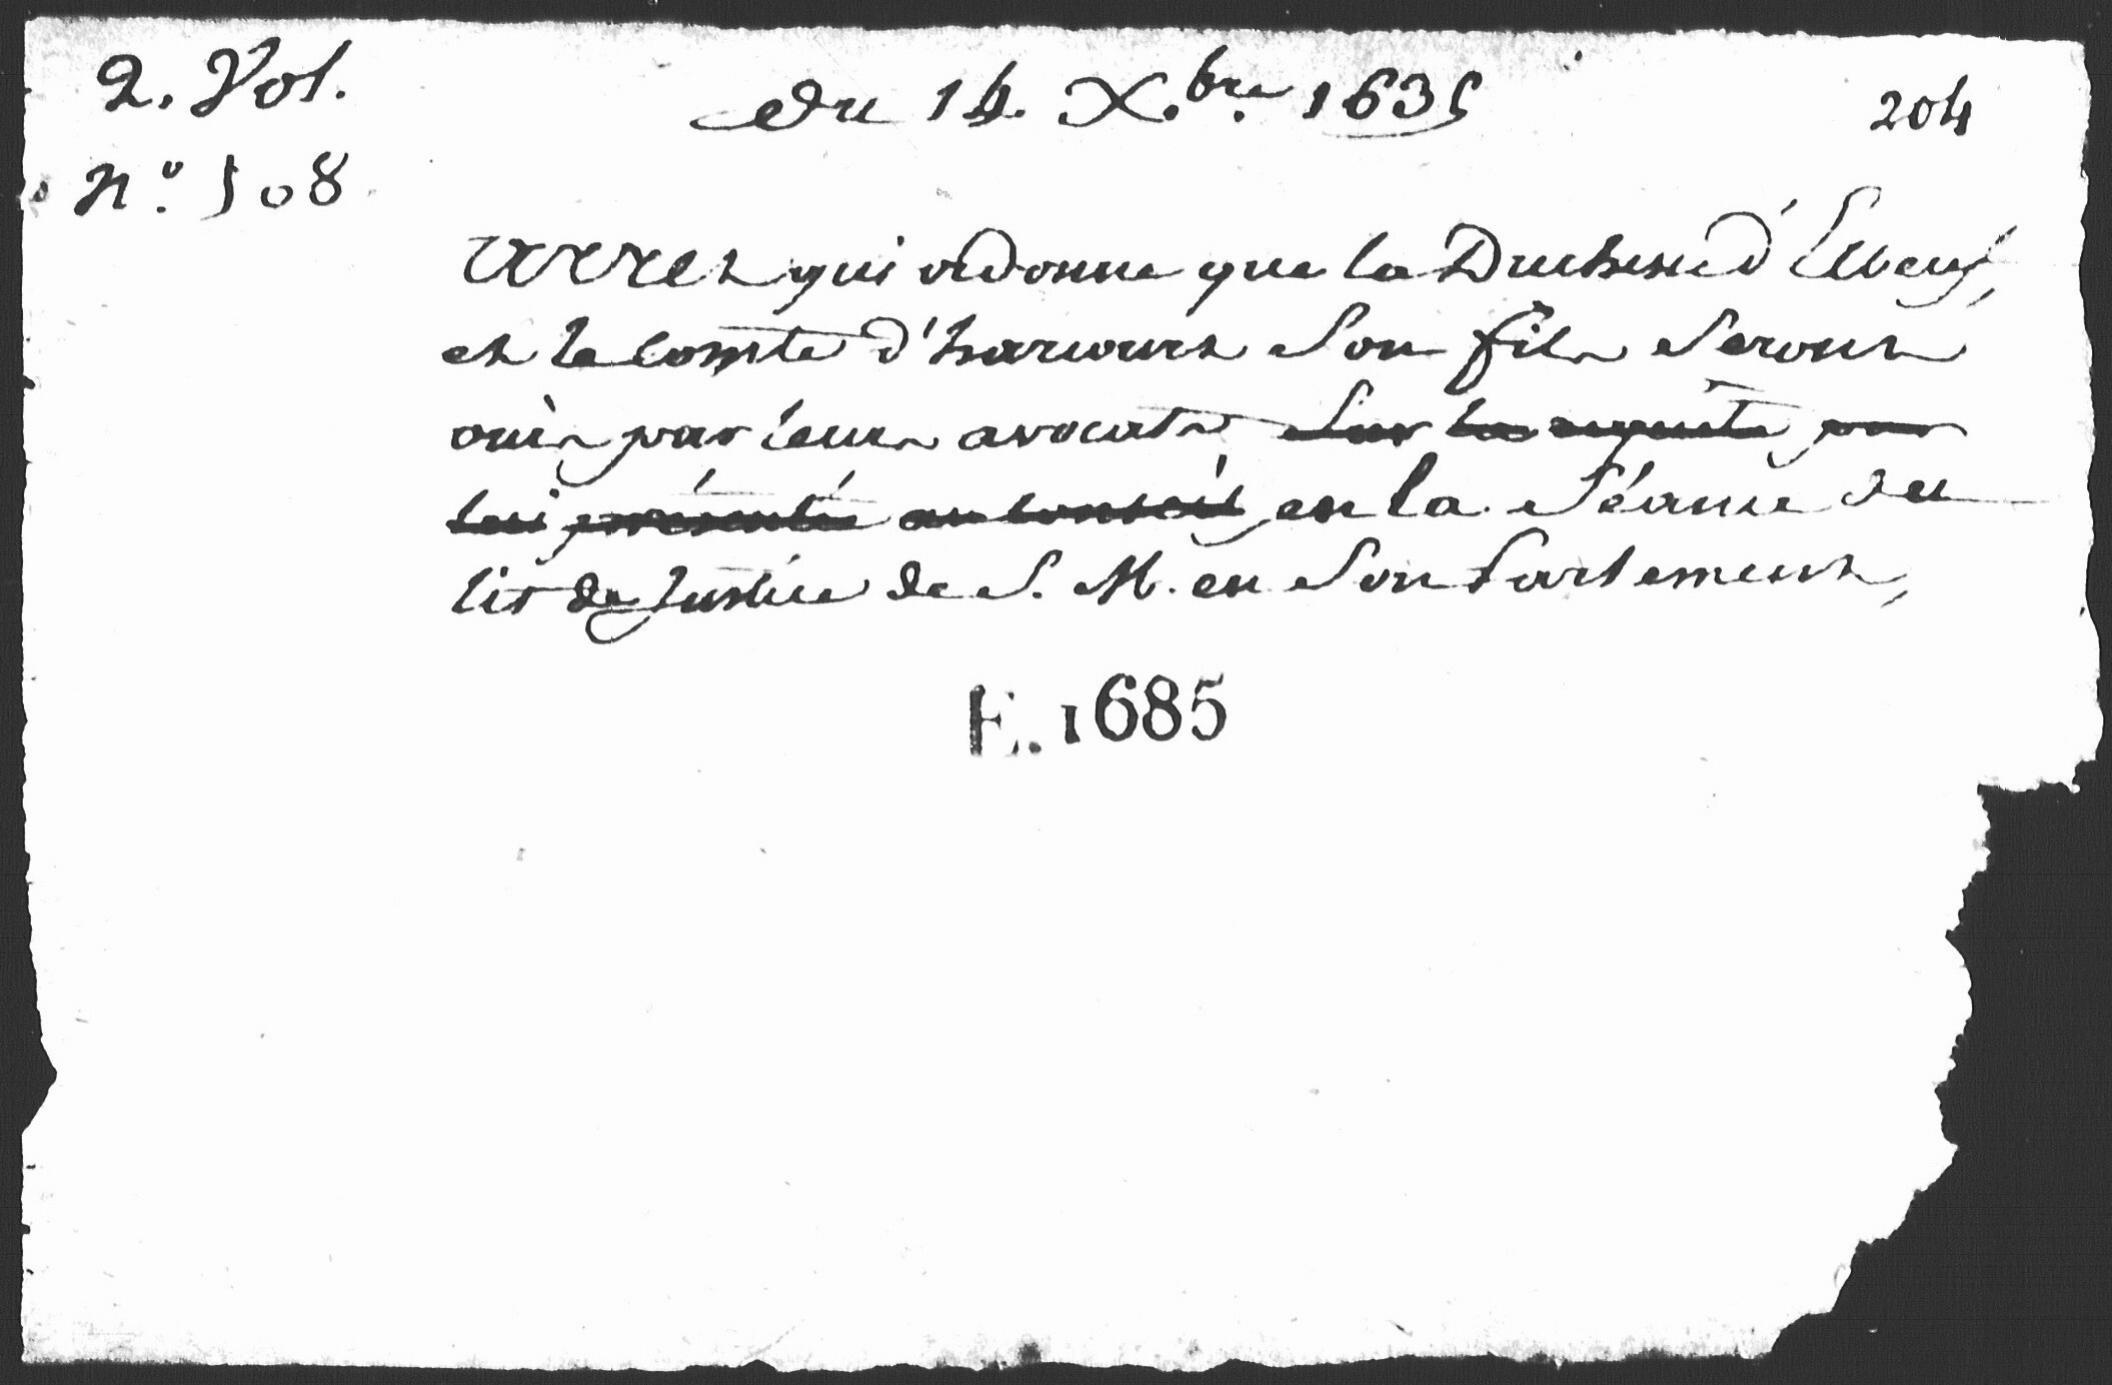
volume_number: n°108
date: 14 décembre 1635
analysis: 204
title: Arret qui ordonne que la Duchesse d'Elbeuf, et le comte d'Harcourt son fils seront ouis par leurs avocats [sur la requête par lui présentée au Conseil : mots barrés] en la séance du lit de justice de S. M. en son parlement.
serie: E
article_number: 1685
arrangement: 2. vol.
